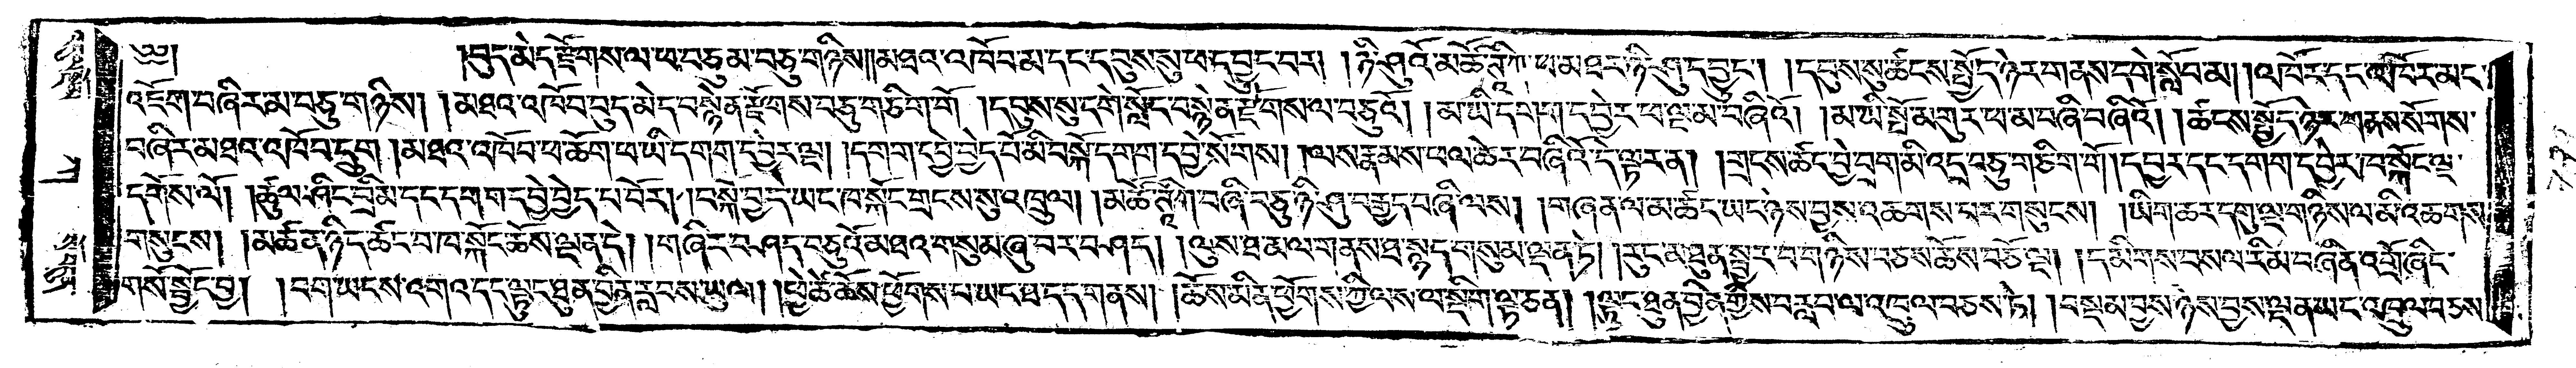༄༅། །བུད་མེད་རྫོགས་ལ་ཕ་བཅུ་མ་བཅུ་གཉིས། །མཐའ་འཁོབ་མ་དང་དབུས་སུ་ཕ་དབྱུང་བར། །ཉི་ཤུའོ་མཚོ་ཊཱིཀ་ཕ་མཐར་ཉི་ཤུ་དབྱུང་། །དབུས་སུ་ཚངས་སྤྱོད་ཉེར་གནས་དགེ་སློབ་མ། །འཁོར་དང་འཁོང་མང་
འཇོག་བཞིར་མ་བཅུ་གཉིས། །མཐའ་འཁོབ་བུད་མེད་བསྙེན་རྫོགས་བཅུ་གཅིག་གོ །དབུས་སུ་དགེ་སློང་བསྙེན་རྫོགས་ལ་བཅུའོ། །མ་ཡི་དགག་དབྱེར་ཕ་ལྔ་མ་བཞིའོ། །མ་ཡི་སྤོ་མགུར་ཕ་མ་བཞི་བཞིའོ། །ཚངས་སྤྱོད་ཉེར་གནས་སོགས་
བཞིར་མཐའ་འཁོབ་དྲུག །མཐའ་འཁོབ་ཕ་ཆོག་ཕ་ཡི་དགག་དབྱེར་ལྔ། །དགག་དབྱེ་བྱེད་པོ་མི་བསྐོ་དགག་དབྱེ་སོགས། །ལས་རྣམས་ཕལ་ཆེར་བཞིའོ་དེ་ལྟར་ན། །གྲངས་ཚང་བྱེ་བྲག་མི་འདྲ་བཅུ་གཅིག་གོ །དབྱར་དང་དགག་དབྱེར་ཁ་སྐོང་ལྔ་
དགོས་ལོ། །ཚུལ་ཤིང་བྲིམ་དང་དགག་དབྱེ་བྱེད་པ་བོར། །བསྐོ་བྱ་དེ་ཡང་ཁ་སྐོང་གྲངས་སུ་འཁྲུལ། །མཚོ་ཊཱིཀ་བཞི་བཅུ་ཉི་ཤུ་བརྒྱད་བཞི་ལས། །གཞན་ལ་མཚང་ཡང་ཉེས་བྱས་འཆགས་པར་གསུངས། །ཡིག་ཆར་དགུ་ལྔ་གཉིས་ལ་མི་འཆགས་
གསུངས། །མཚན་ཉིད་ཚང་བ་ཁ་སྐོང་ཆོས་ལྡན་དེ། །གཞིར་བཤད་བཅུའོ་མཐའ་གསུམ་ཞུ་བར་བཤད། །ལུས་ཐ་མལ་གནས་ཐ་སྙད་གསུམ་ལྡན་ཏེ། །རུང་མཐུན་སྦྱར་བ་གཉིས་བཅས་ཚོས་བཅོ་ལྔ། །དམིགས་བསལ་རིམ་བཞིན་འགྲོ་ཞིང་
གསོ་སྦྱོང་བྱ། །བག་ཡངས་འགའ་དང་ལྟུང་ཐུན་བྱིན་རླབས་ཡུལ། །ཕྱེ་ཚེ་ཆོས་ཕྱོགས་པ་ཡང་ཐ་དད་གནས། །ཆོས་མིན་ཕྱོགས་ཀྱི་ལས་ལ་སྡིག་ལྟ་ཅན། །ལྟུང་ཐུན་བྱིན་གྱིས་བརླབ་ལ་འཁྲུལ་བཅས་ཏེ། །བསྡམ་བྱས་ཉེས་བྱས་ལྡན་ཡང་འཁྲུལ་བཅས་